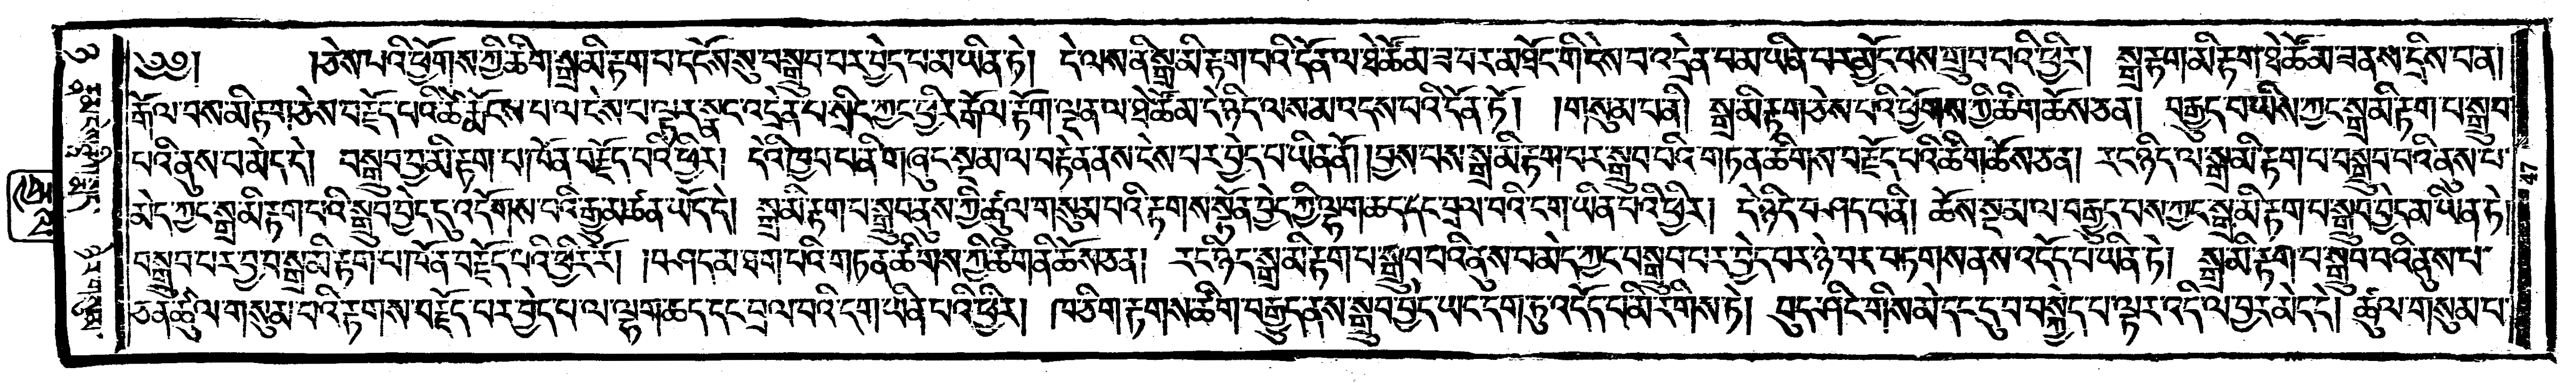༄༅། །ཅེས་པའི་ཕྱོགས་ཀྱི་ཚིག་སྒྲ་མི་རྟག་པ་དངོས་སུ་བསྒྲུབ་པར་བྱེད་པ་མ་ཡིན་ཏེ། དེ་ལས་ནི་སྒྲ་མི་རྟག་པའི་དོན་ལ་ཐེ་ཚོམ་ཟ་བར་མཐོང་གི་ངེས་བ་འདྲེན་པ་མ་ཡིན་པར་མྱོང་བས་གྲུབ་པའི་ཕྱིར། སྒྲ་རྟག་མི་རྟག་ཐེ་ཚོམ་ཟ་ནས་དྲིས་པ་ན།
རྒོལ་བས་མི་རྟག་ཅེས་བརྗོད་པའི་ཚེ་སྨོངས་པ་ལ་ངེས་པ་ལྟར་སྣང་འདྲེན་པ་སྲིད་ཀྱང་ཕྱིར་རྒོལ་རྟོག་ལྡན་ལ་ཐེ་ཚོམ་དེ་ཉིད་ལས་མ་འདས་པའི་དོན་ཏོ། །གསུམ་པ་ནི། སྒྲ་མི་རྟག་ཅེས་པའི་ཕྱོགས་ཀྱི་ཚིག་ཆོས་ཅན། བརྒྱུད་པ་ཡིས་ཀྱང་སྒྲ་མི་རྟག་པ་སྒྲུབ་
པའི་ནུས་པ་མེད་དེ། བསྒྲུབ་བྱ་མི་རྟག་པ་ཁོ་ན་བརྗོད་བའི་ཕྱིར། དེའི་ཁྱབ་པ་ནི་གཞུང་སྔ་མ་ལ་བརྟེན་ནས་ངེས་པར་བྱེད་པ་ཡིན་ནོ། །བྱས་པས་སྒྲ་མི་རྟག་པར་སྒྲུབ་པའི་གཏན་ཚིགས་བརྗོད་པའི་ཚིག་ཆོས་ཅན། རང་ཉིད་ལ་སྒྲ་མི་རྟག་པ་བསྒྲུབ་པའི་ནུས་པ་
མེད་ཀྱང་སྒྲ་མི་རྟག་པའི་སྒྲུབ་བྱེད་དུ་འདོགས་པའི་རྒྱུ་མཚན་ཡོད་དེ། སྒྲ་མི་རྟག་པ་སྒྲུབ་ནུས་ཀྱི་ཚུལ་གསུམ་པའི་རྟགས་སྟོན་བྱེད་ཀྱི་ལྷག་ཆད་དང་བྲལ་བའི་ངག་ཡིན་པའི་ཕྱིར། དེ་ཉིད་བཤད་བ་ནི། ཆོས་སྔ་མ་ལ་བརྒྱུད་པས་ཀྱང་སྒྲ་མི་རྟག་པ་སྒྲུབ་བྱེད་མ་ཡིན་ཏེ།
བསྒྲུབ་པར་བྱ་བ་སྒྲ་མི་རྟག་པ་ཁོ་ན་བརྗོད་པའི་ཕྱིར་རོ། །བཤད་མ་ཐག་པའི་གཏན་ཚིགས་ཀྱི་ཚིག་ནི་ཆོས་ཅན། རང་ཉིད་སྒྲ་མི་རྟག་པ་སྒྲུབ་བའི་ནུས་བ་མེད་ཀྱང་བསྒྲུབ་པར་བྱེད་བར་ཉེ་བར་བཏགས་ནས་འདོད་པ་ཡིན་ཏེ། སྒྲ་མི་རྟག་པ་སྒྲུབ་པའི་ནུས་པ་
ཅན་ཚུལ་གསུམ་པའི་རྟགས་བརྗོད་པར་བྱེད་པ་ལ་ལྷག་ཆད་དང་བྲལ་བའི་དག་ཡིན་པའི་ཕྱིར། ཁ་ཅིག་རྟགས་ཚིག་བརྒྱུད་ནས་སྒྲུབ་བྱེད་ཡང་དག་ཏུ་འདོད་བ་མི་རིགས་ཏེ། བུད་ཤིང་གིས་མེ་དང་དུ་བ་བསྐྱེད་པ་ལྟར་འདི་ལ་བྱར་མེད་དེ། ཚུལ་གསུམ་པ་